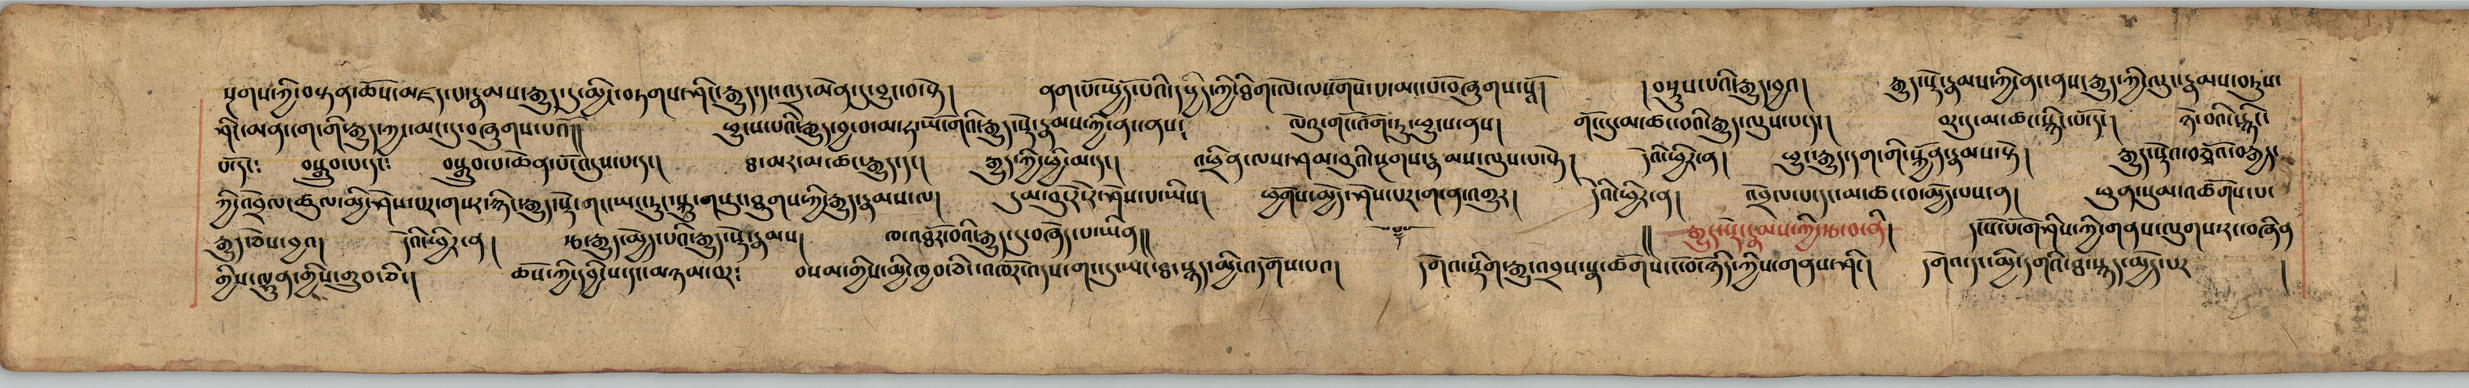སྔགས་ཀྱི་བསྟན་ཆོས་མཛད་པ་རྣམས་རྒྱུད་དུ་མྱིང་བཏགས་ཤིང་རྒྱུད་དང་འདྲ་མེན་དུ་བྱུང་བ་སྟེ། ནག་པོ་སྤྱོད་པའི་དཔྱིད་ཀྱི་ཐིག་ལེ་ལསོགས་པ་མང་པོ་བཞུགས་སཱོ། །བསྡུས་པའི་རྒྱུད་བྱའ། རྒྱུད་སྡེ་རྣམས་ཀྱི་ནང་ནས་རྒྱུད་ཀྱི་ལུང་རྣམས་བཏུས་
ཤིང་མན་ངག་གི་རྒྱུད་ཀྱང་མང་དུ་བཞུགས་པའོ།། ཕྱུངས་པའི་རྒྱུད་བྱ་བ་མ་ཧ་ཡོ་གའི་རྒྱུད་སྡེ་རྣམས་ཀྱི་ནང་ནས། ལེའུ་གོང་འོག་ཏུ་ཕྱུངས་ནས། གོང་དུ་མ་ཚང་བའི་རྒྱུད་ལུས་པ་དང། བར་དུ་མ་ཚང་སྙིང་པོ་དང། ཉེ་བའི་སྙིང་
པོ་དང༴ བསྒྲུབ་པ་དང༴ བསྒྲུབ་པ་ཆེན་པོ་འདུས་པ་དང། ཐ་མར་མ་ཚང་རྒྱུད་དང། རྒྱུད་ཀྱི་ཕྱི་མ་དང། འཕྲིན་ལས་ཤམ་བུའི་སྔགས་རྣམས་ལུས་པ་སྟེ། དེའི་ཕྱིར་ན། ཕྱུང་རྒྱུད་དག་གི་སྐྱོན་རྣམས་སྟེ། རྒྱུད་སྡེའ་བཅྭོའ་བརྒྱད་
ཀྱི་འབྲེལ་ཚུལ་མྱི་ཤེས་པར་གསར་རྙིང་རྒྱུད་སྡེ་གང་ཡང་རུང་སྐུ་གསུང་ཐུགས་ཀྱི་རྒྱུད་རྣམས་ལ། དུམ་བུ་རེ་རེ་ཤེས་པ་ཡིས། ཕྱོགས་མྱེད་ཤེས་པར་ག་ན་འགྱུར། དེའི་ཕྱིར་ན། འབྲེལ་པ་དང་མ་ཚང་བ་མྱེད་པས་ན། ཕུན་སུམ་འཚོགས་པ་
རྒྱུད་ཅེས་བྱའ། དེའི་ཕྱིར་ན། རྩ་རྒྱུད་མྱེད་པའི་རྒྱུད་སྡེ་རྣམས། ཁ་འཐོར་བའི་རྒྱུད་དུ་བཞེད་པ་ཡིན།། ༒ །། རྒྱུད་སྡེ་རྣམས་ཀྱི་རྩ་བ་ནི། དངོས་པོ་གཤིས་ཀྱི་གནས་ལུགས་རང་བཞིན
གྱིས་ལྷུན་གྱིས་གྲུབ་ཅིང། ཆོས་ཀྱི་དབྱིངས་དང་མཉམ་བར༴ བསམ་གྱིས་མྱི་ཁྱབ་ཅིང་འཁོར་འདས་གང་དུ་ཡང་ཐ་སྙད་མྱི་འདོགས་པའ། དགེའ་སྡིག་རྒྱུ་འབྲས་སྣ་ཚོགས་ངོ་བོ་ཉིད་ཀྱིས་གནས་ཤིང། དགེའ་དང་མྱི་དགའི་ཐ་སྙད་མྱེད་པར